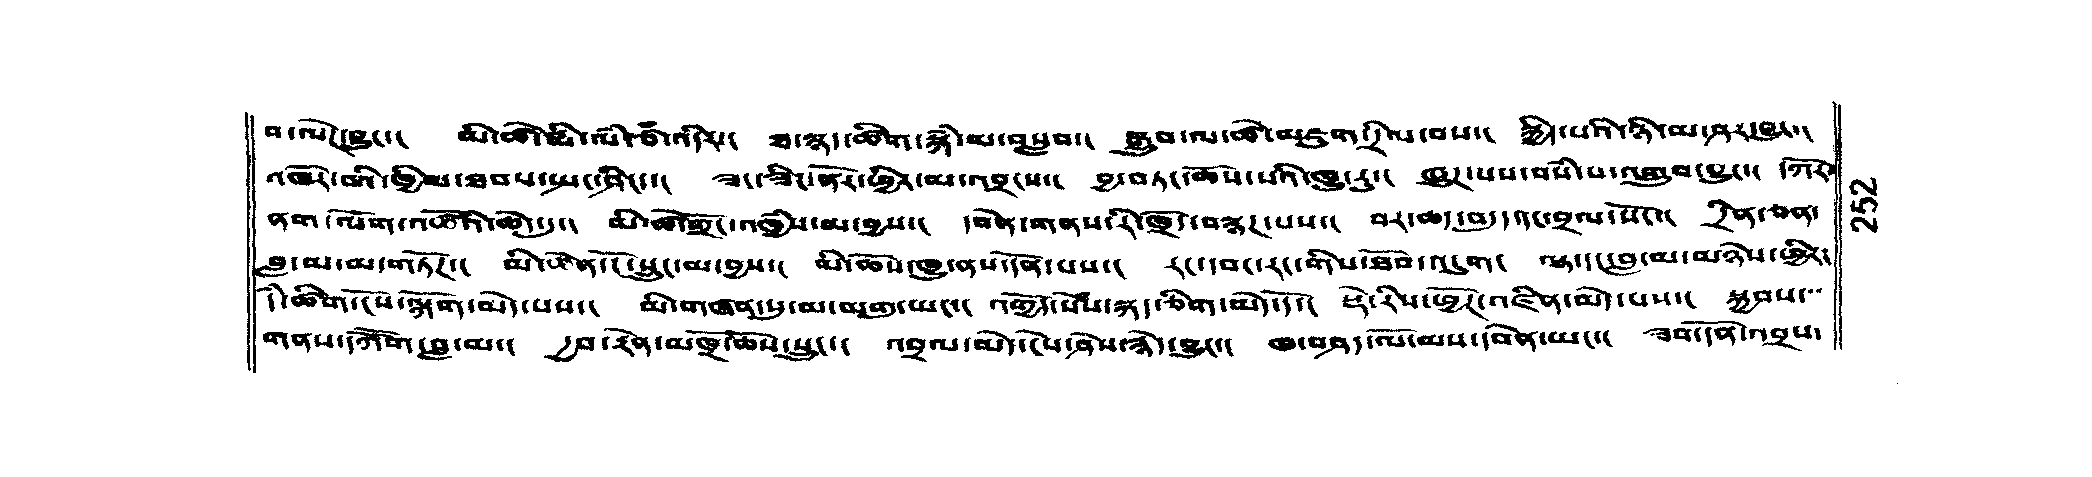བ་ལེགས་བྱུང་། །མི་ཚེ་རྨི་ལམ་ཙམ་འདིར། །ཐ་སྙད་ཚིག་སྐམ་མ་བསླབ། །སྒྲུབ་ལ་ཚེ་མཇུག་དྲིལ་བས། །སྐྱིད་པའི་ཉི་མ་ཤར་བྱུང་། །
འཁོར་བའི་ཁྱིམ་ཐབས་སྤང་ཤིང་། །ཟང་ཟིང་ནོར་ཕྱིར་མ་འབྲངས། །བྱ་བཏང་ཆོས་པའི་ཁྱུ་རུ། །ཞུགས་པས་བསམ་པ་འགྲུབ་བྱུང་། །དཀོར་
ནག་ལོག་འཚོའི་ཆེད་དུ། །མི་ཚེ་གྲོང་འཁྱམས་མ་བྱས། །དབེན་གནས་རི་ཁྲོད་བསྙེགས་པས། །བར་ཆད་བདུད་དང་བྲལ་སོང་། །དྲིན་ཅན་
བླ་མ་མ་གཏོགས། མི་ཆེན་ངོ་སྲུང་མ་བྱས། །མི་ཆོས་ཁྱུ་ནས་དོན་པས། །རང་དབང་རང་གིས་ཐོབ་འདུག །ལྷ་དང་བླ་མ་མཉེས་ཕྱིར། །
དམ་ཚིག་ངོས་ལྐོག་མེད་པས། །མི་གཞན་སུ་མ་མགུ་ཡང་། །འགྱོད་སེམས་སྐད་ཅིག་མེད་དོ། །སྡེ་རིས་ཕྱོགས་འཛིན་མེད་པས། །སྐྱབས་
གནས་དཀོན་མཆོག་བླ་མ། །རྒྱབ་རྟེན་མཁའ་འགྲོ་ཆོས་སྲུང་། །འབྲལ་མེད་ངེས་ཤེས་རྙེད་བྱུང་། །ཁ་བཤད་ལོ་མས་དབེན་ཡང་། གཞན་དོན་འབྲས་